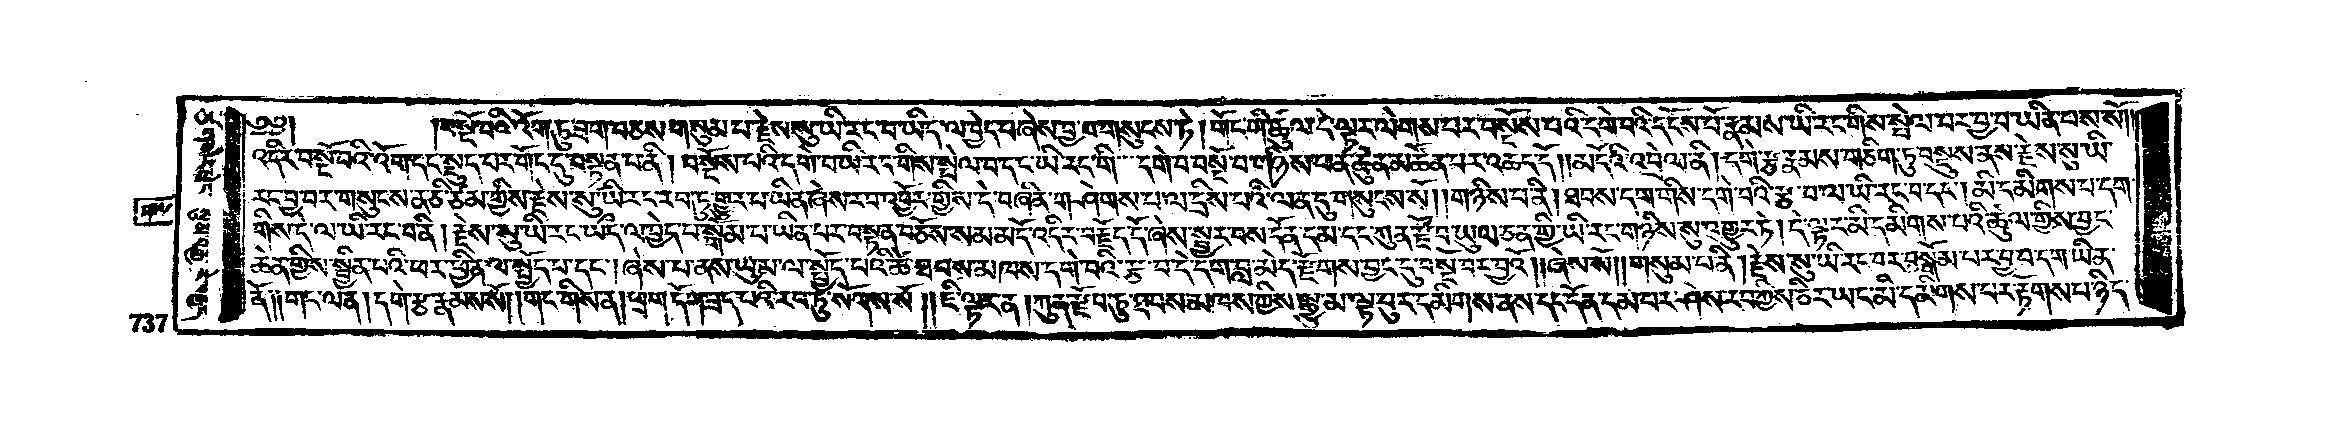༄༅། །བསྔོ་བའི་འོག་ཏུ་ཟག་བཅས་གསུམ་པ་རྗེས་སུ་ཡི་རང་བ་ཡིད་ལ་བྱེད་པ་ཞེས་བྱ་བ་གསུངས་ཏེ། གོང་གི་ཚུལ་དེ་ལྟར་ལེགས་པར་བསྔོས་པའི་དགེ་བའི་དངོས་པོ་རྣམས་ཡི་རང་གིས་སྤེལ་བར་བྱ་བ་ཡིན་པས་སོ། །
འདིར་བསྔོ་བའི་འོག་དང་སྡུད་པར་གོང་དུ་བསྟན་པ་ནི། བསྔོས་པའི་དགེ་བ་ཡི་རང་གིས་སྤེལ་བ་དང་ཡི་རང་གི་དགེ་བ་བསྔོ་བ་གཉིས་ཕན་ཚུན་མཚོན་པར་འཆད་དོ། །མདོའི་འབྲེལ་ནི། དགེ་རྩ་རྣམས་གཅིག་ཏུ་བསྡུས་ནས་རྗེས་སུ་ཡི་
རང་བྱ་བར་གསུངས་ན་ཅི་ཙམ་གྱིས་རྗེས་སུ་ཡི་རང་རབ་ཏུ་གྱུར་པ་ཡིན་ཞེས་རབ་འབྱོར་གྱིས་དེ་བཞིན་གཤེགས་པ་ལ་དྲིས་པའི་ལན་དུ་གསུངས་སོ། །གཉིས་པ་ནི། ཐབས་དག་གིས་དགེ་བའི་རྩ་བ་ལ་ཡི་རང་བ་དང་། མི་དམིགས་པ་དག་
གིས་དེ་ལ་ཡི་རང་བ་ནི། རྗེས་སུ་ཡི་རང་ཡིད་ལ་བྱེད་པ་སྒོམ་པ་ཡིན་པར་བསྟན་བཅོས་སམ་མདོ་འདིར་བརྗོད་དོ་ཞེས་སྦྱར་བས་དོན་དམ་དང་ཀུན་རྫོབ་ཡུལ་ཅན་གྱི་ཡི་རང་གཉིས་སུ་འགྱུར་ཏེ། དེ་ལྟར་མི་དམིགས་པའི་ཚུལ་གྱིས་བྱང་
ཆེན་གྱིས་སྦྱིན་པའི་ཕར་ཕྱིན་ལ་སྤྱོད་པ་དང་། ཞེས་པ་ནས་ཡུམ་ལ་སྤྱོད་པའི་ཚེ་ཐབས་མཁས་དགེ་བའི་རྩ་བ་དེ་དག་བླ་མེད་རྫོགས་བྱང་དུ་བསྔོ་བར་བྱའོ། །ཞེས་སོ། །གསུམ་པ་ནི། རྗེས་སུ་ཡི་རང་བར་བསྒོམ་པར་བྱ་བ་དག་ཡིན་
ནོ། །གང་ལ་ན། དགེ་རྩ་རྣམས་སོ། །གང་གིས་ན། ཕྲག་དོག་ཟད་པའི་རབ་ཏུ་སོགས་སོ། །ཇི་ལྟར་ན། ཀུན་རྫོབ་ཏུ་ཐབས་མཁས་ཀྱིས་སྒྱུ་མ་ལྟ་བུར་དམིགས་ནས་དང་དོན་དམ་པར་ཤེས་རབ་ཀྱིས་ཅིར་ཡང་མི་དམིགས་པར་རྟོགས་པ་ཉིད་